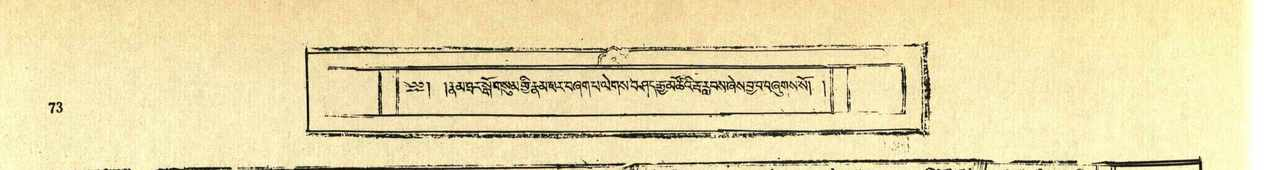༄༅། །རྣམ་ཐར་སྒོ་གསུམ་གྱི་རྣམ་པར་བཞག་པ་ལེགས་བཤད་རྒྱ་མཚོའི་རྦ་རླབས་ཞེས་བྱ་བ་བཞུགས་སོ། །